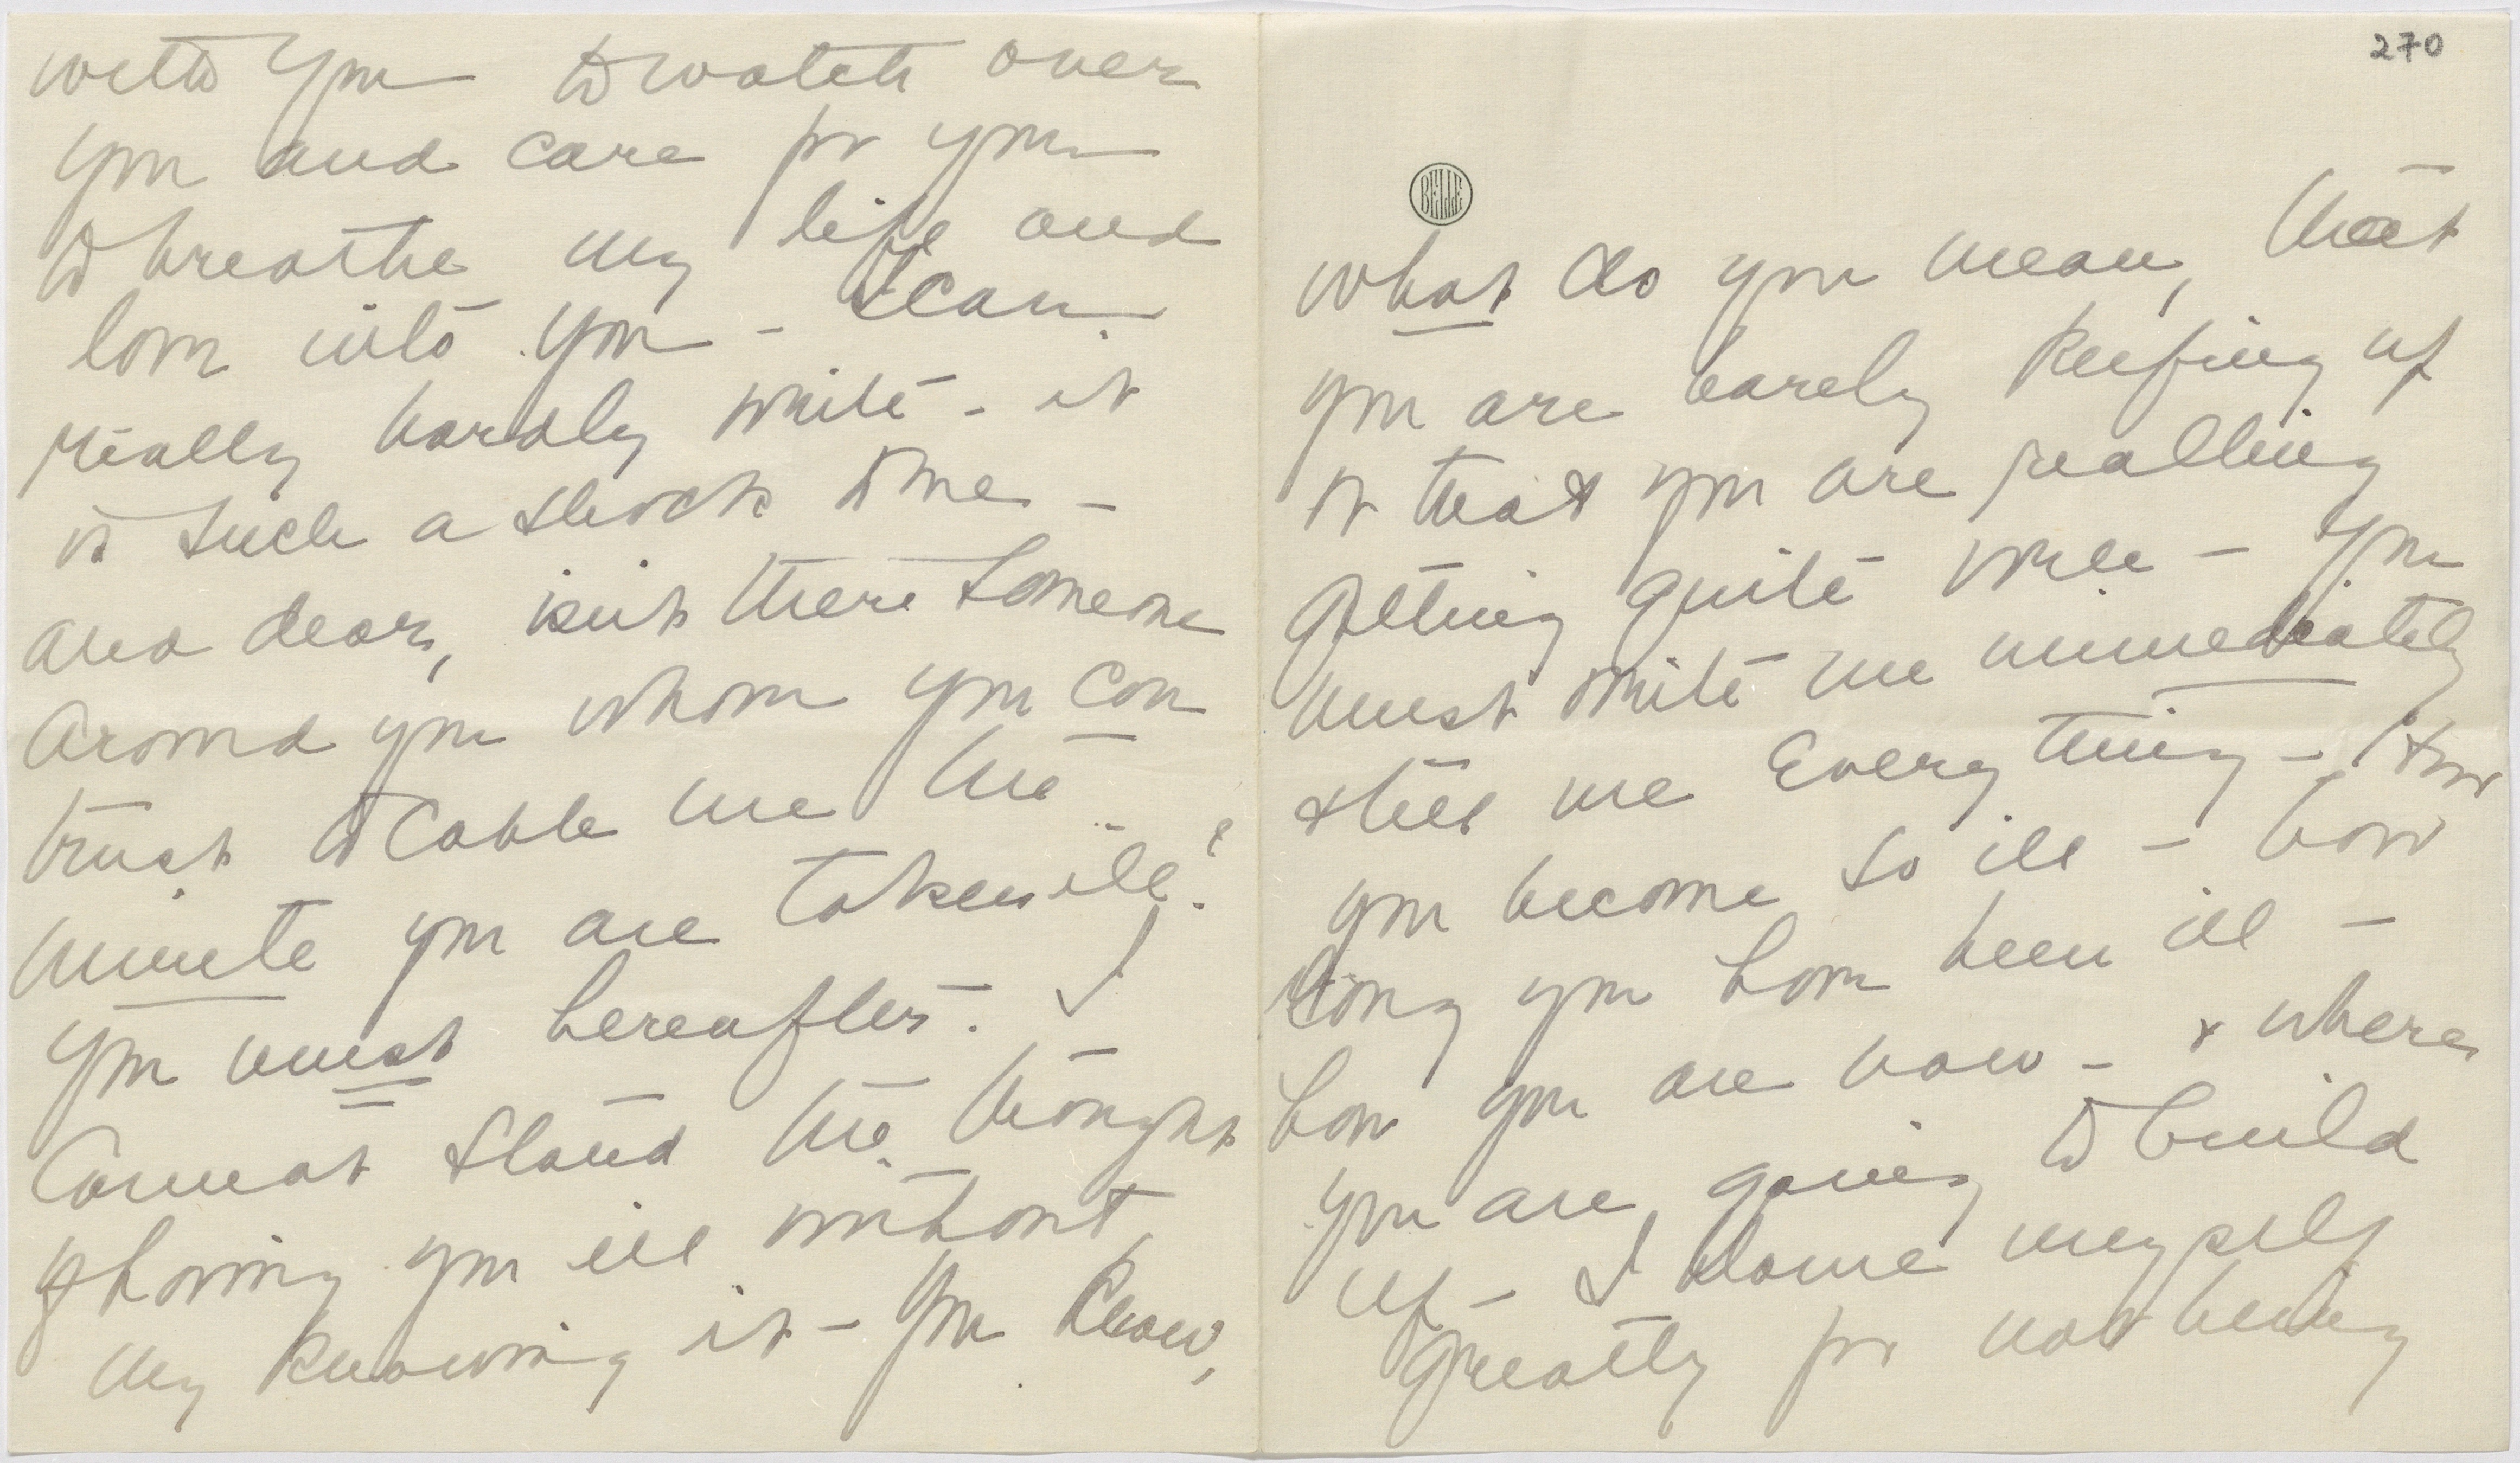what do you mean, that you are barely keeping up or that you are realling [sic] getting quite well – you must write me immediately & tell me every thing – How you became so ill – how long you have been ill – how you are now – & where you are going to build up – I blame myself greatly for not being
with you to watch over you and care for you – to breathe my life and love into you – I can really hardly write – it is such a shock to me – and dear, isn’t there someone around you whom you can trust to cable me the minute you are taken ill? You [double underlined: must] hereafter. I cannot stand the thought of having you ill without my knowing it – You know,